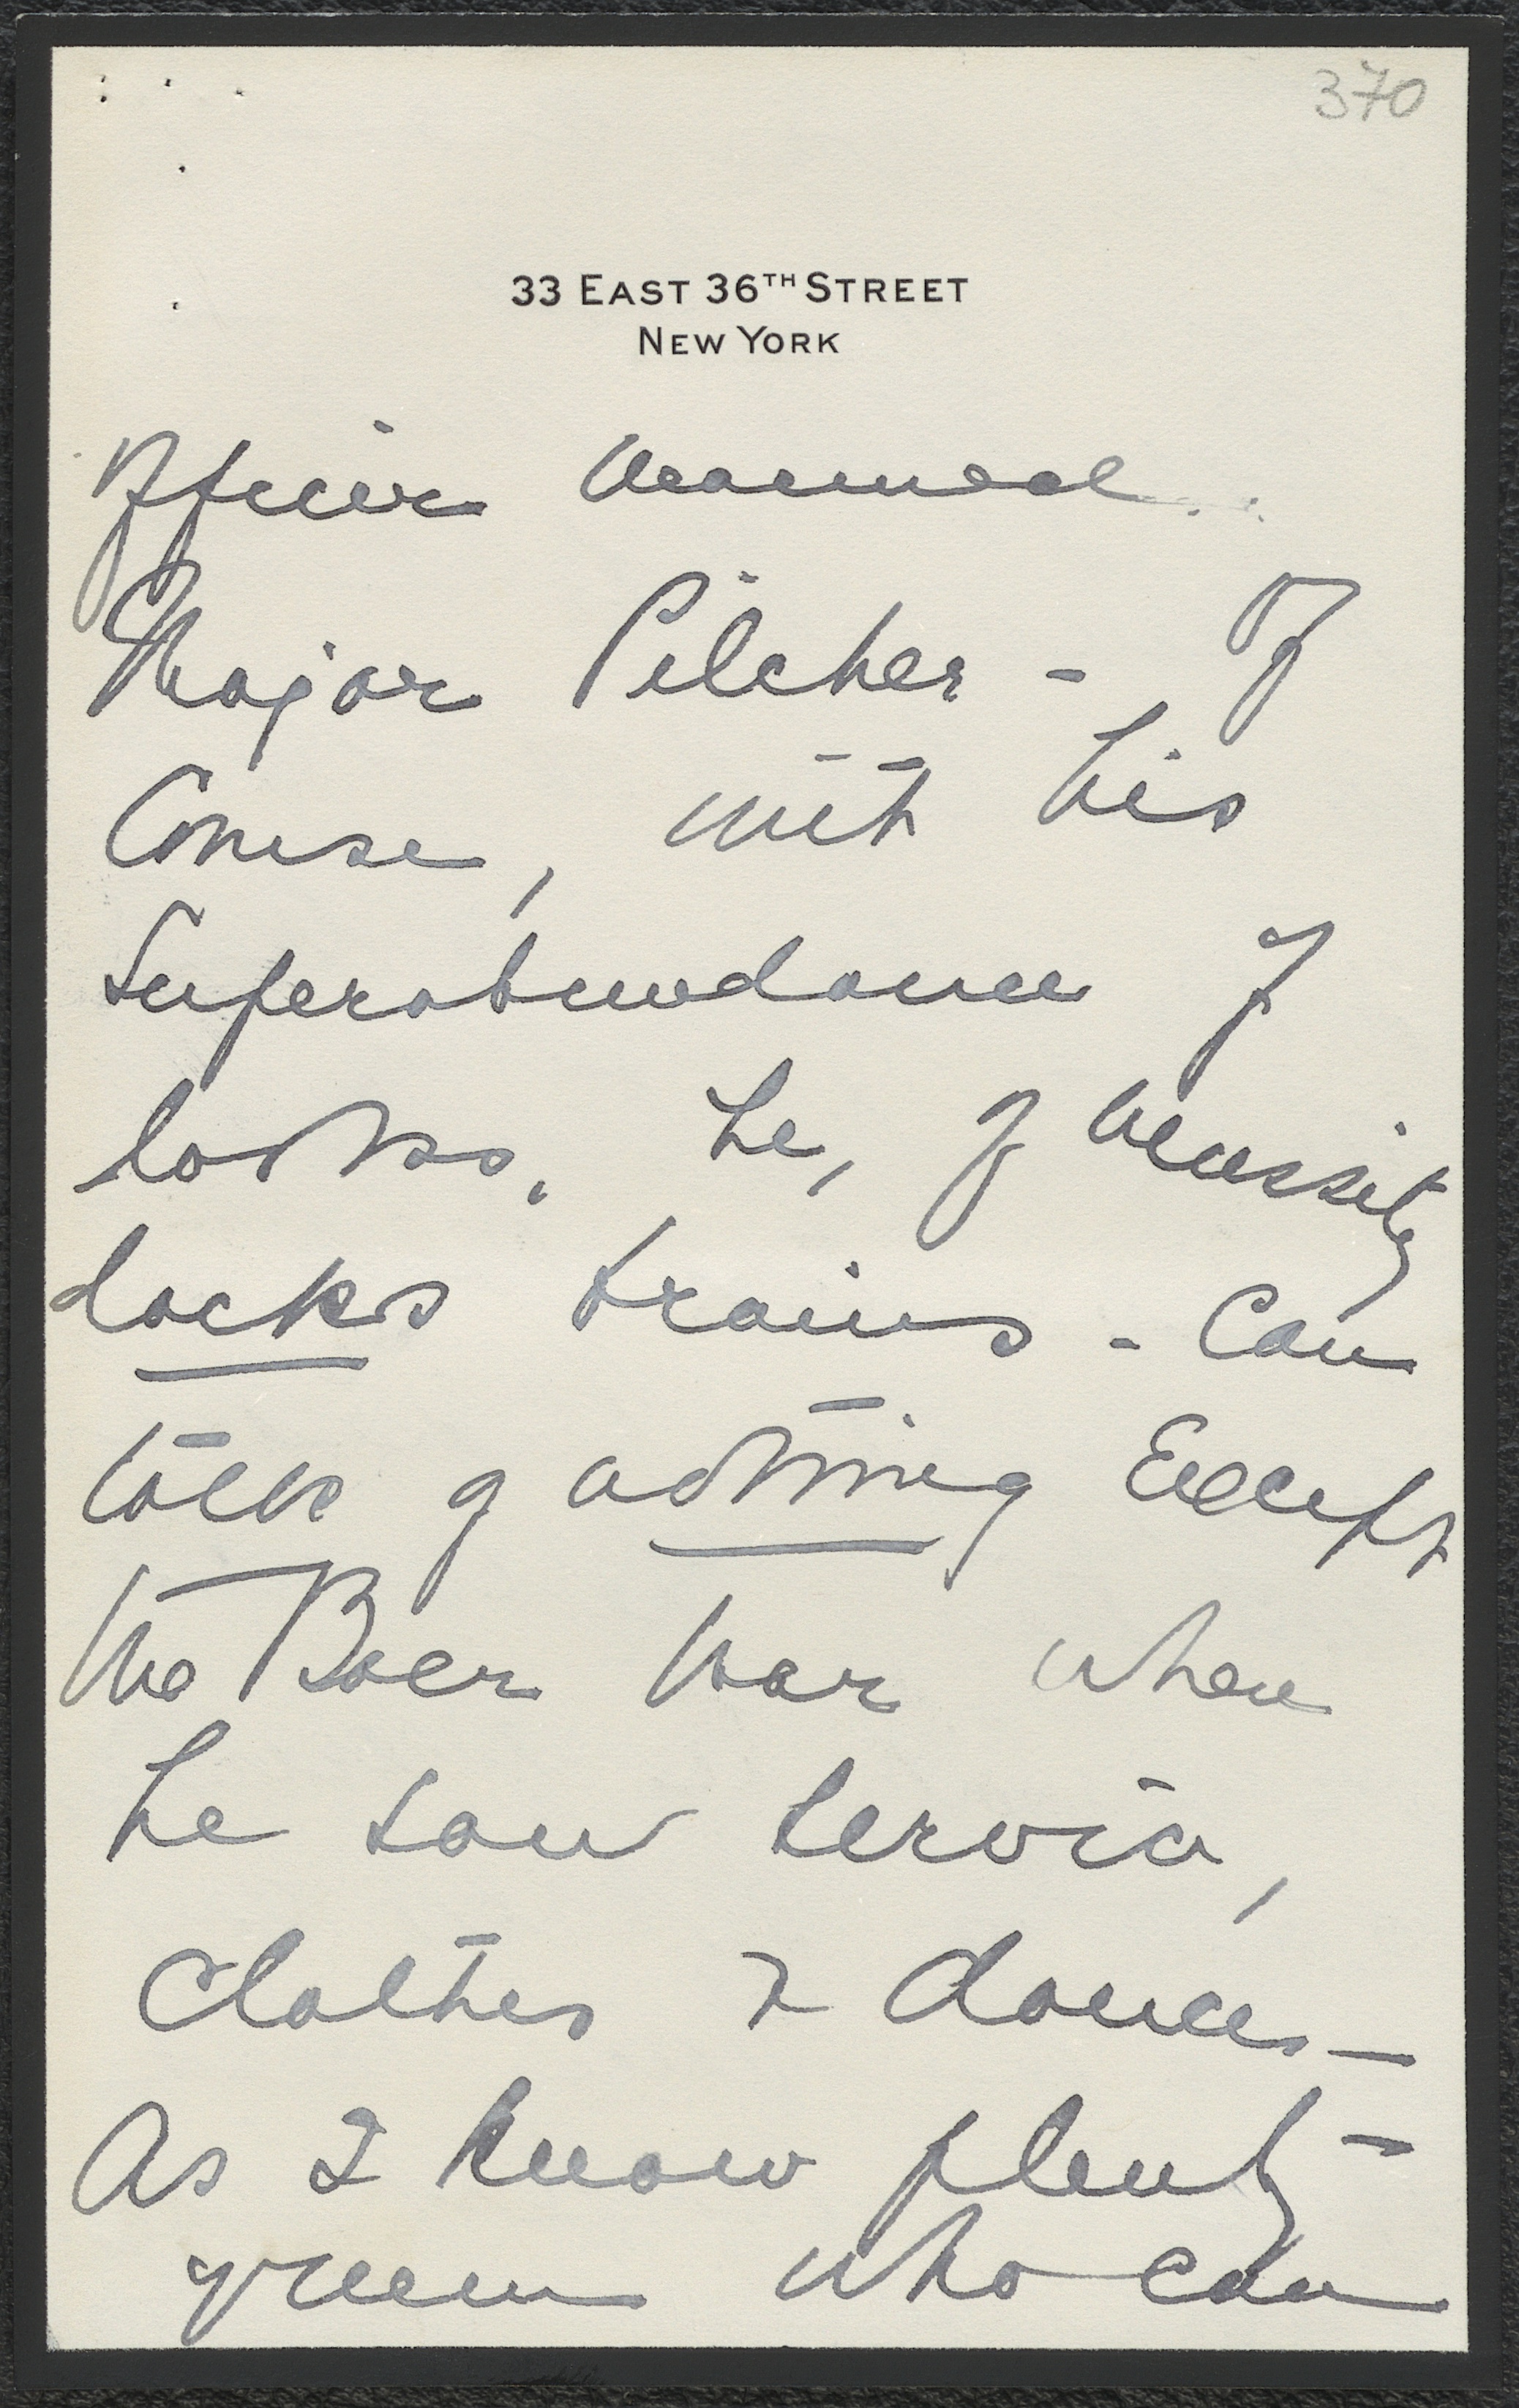officer named Major Pilcher – Of course, with his superabundance of looks, he, of necessity lacks brains – can talk of nothing except the Boer War where he saw service, clothes and & dances – As I know plenty of men who can